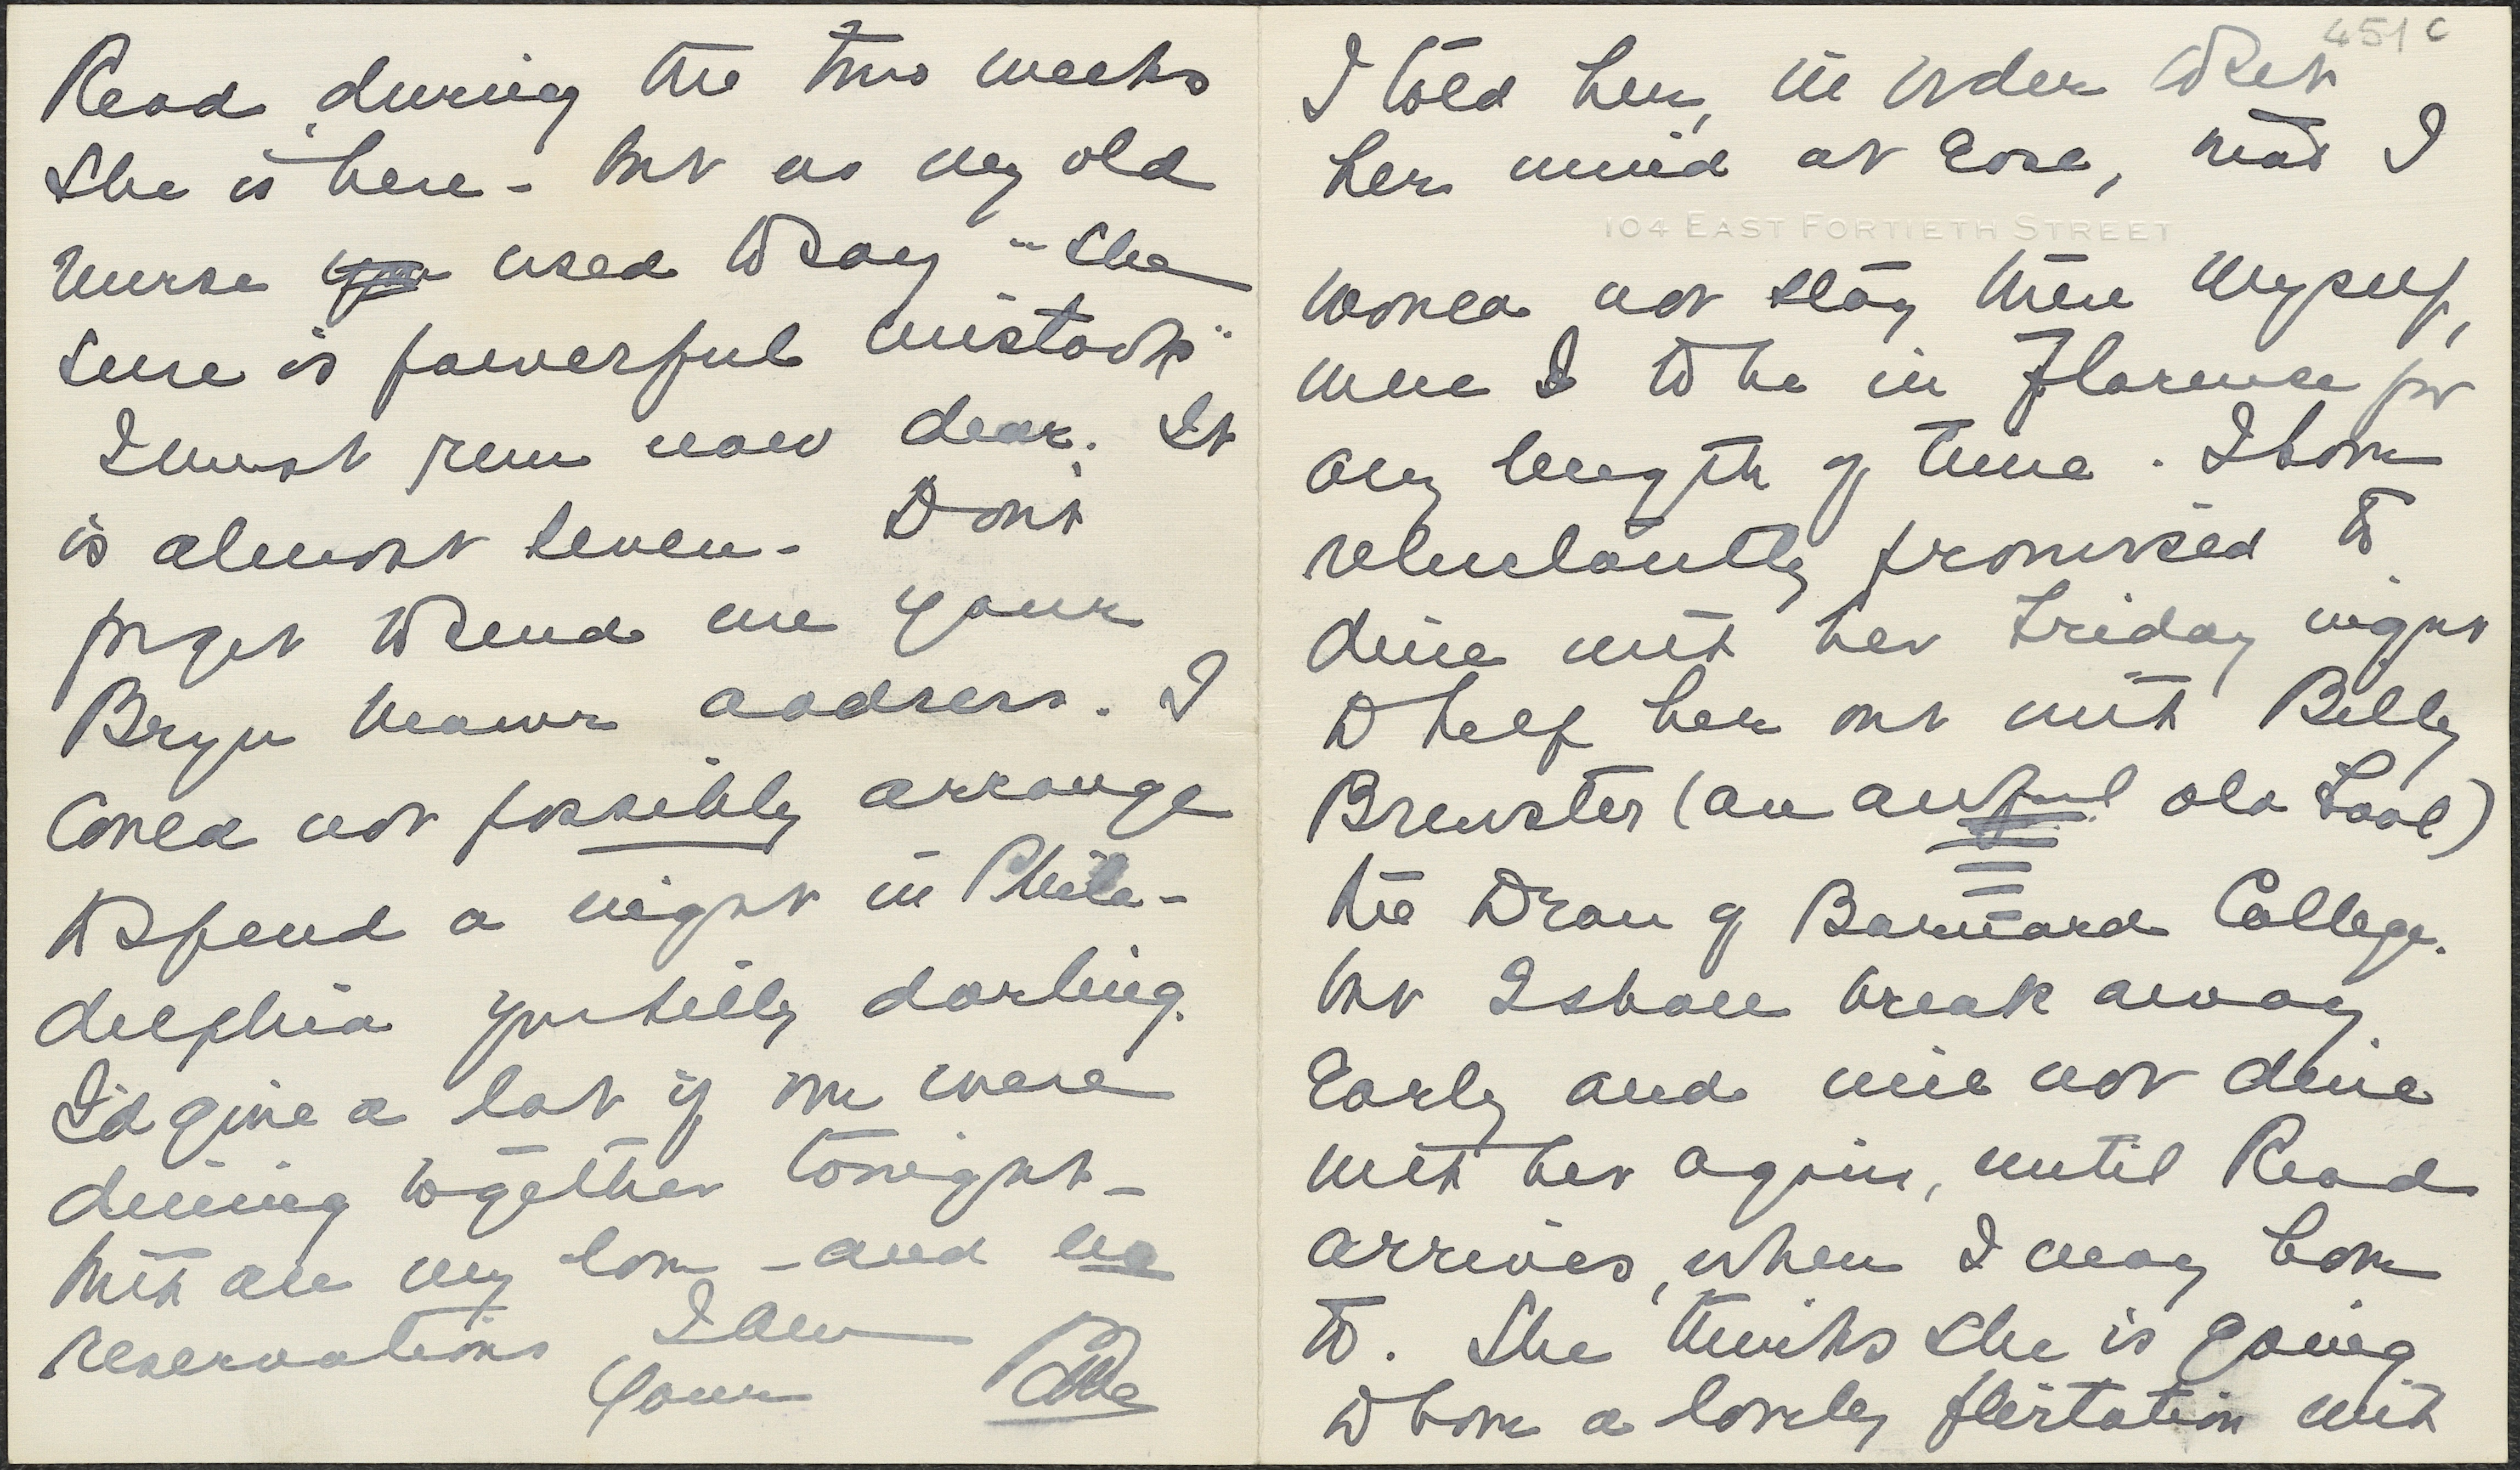I told her, in order to set her mind at ease, that I would not stay there myself, were I to be in Florence for any length of time. I have reluctantly promised to dine with her Friday night to help her out with Billy Brewster (an [underlined five times: awful] old fool) the Dean of Barnard College. but I shall break away early and will not dine with her again, until Read arrives, when I may have to. She thinks she is going to have a lovely flirtation with
Read during the two weeks she is here – but as my old nurse you used to say – “she sure is powerful mistook”
I must run now dear. It is almost seven. Don’t forget to send me your Bryn Mawr address. I could not possibly arrange to spend a night in Philadelphia you silly darling. I’d give a lot if we were dining together tonight – with all my love – and no reservations I am
Your Belle